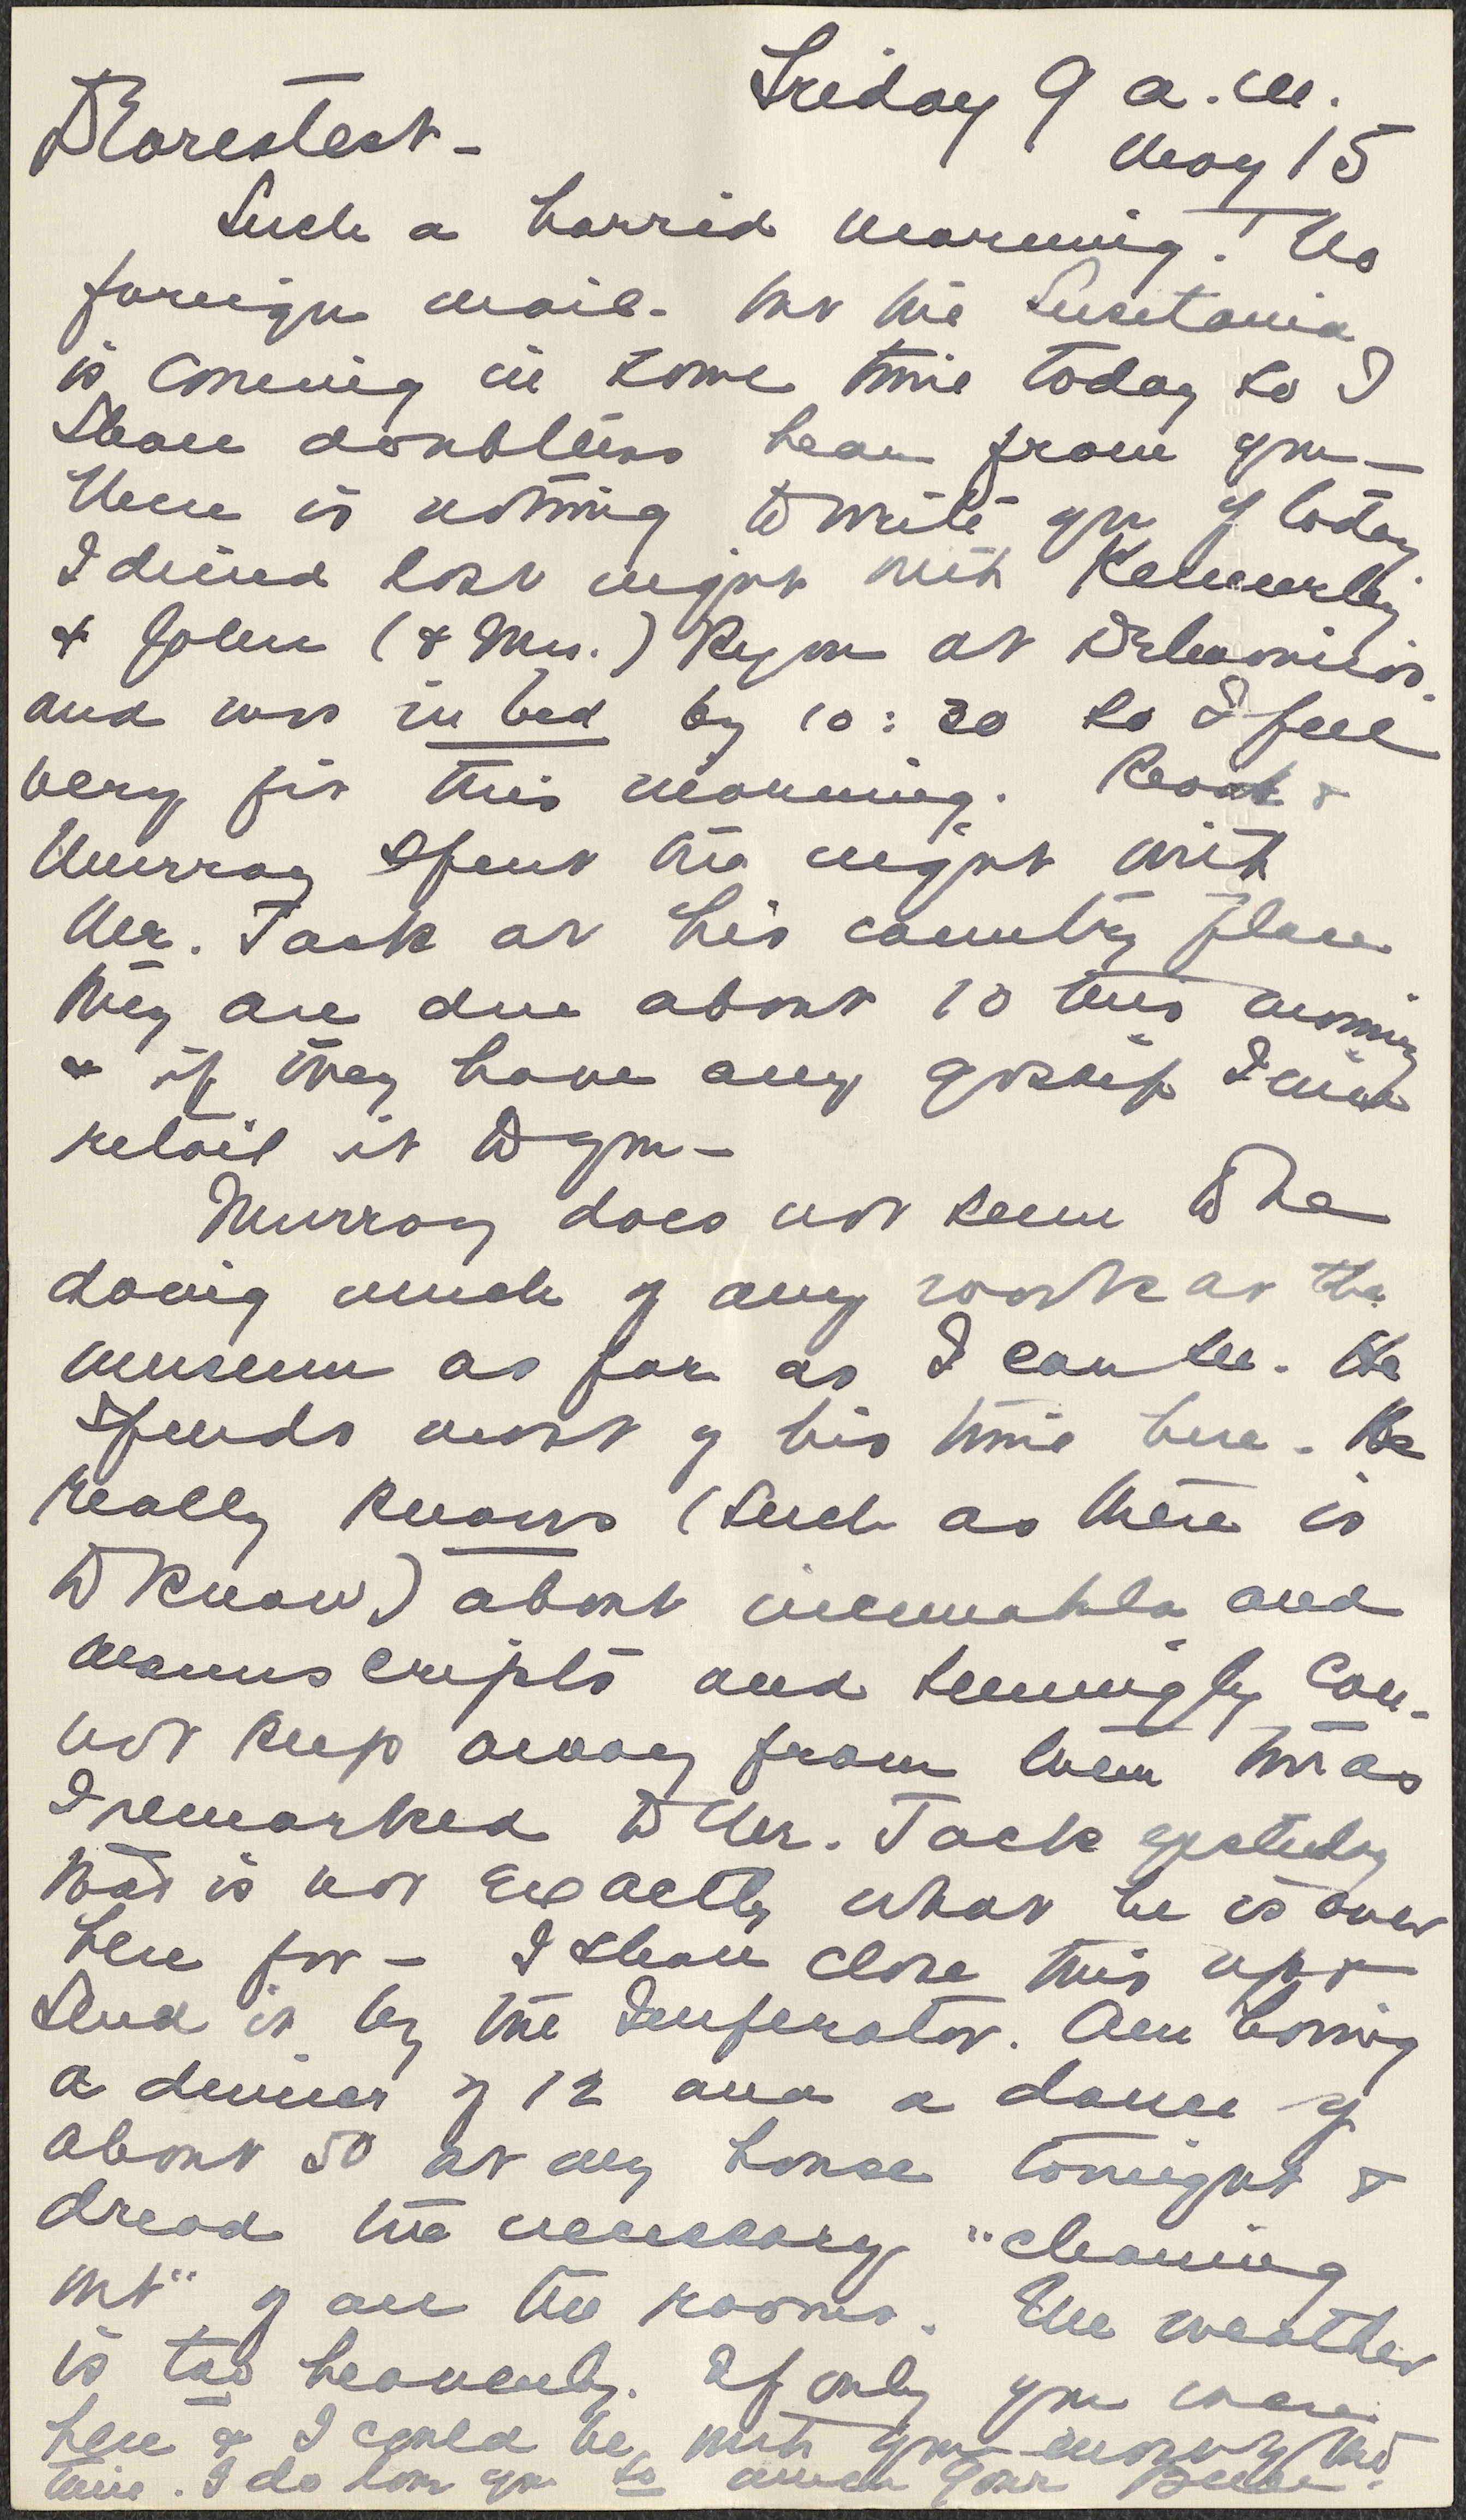Friday 9 a.m.
May 15
Dearestest –
Such a horrid morning! No foreign mail. but the Lusitania is coming in some time today so I shall doubtless hear from you – there is nothing to write you of today. I dined last night with Kennerley & John (& Mrs.) Ryan at Delmonico's, and was in bed by 10:30 so I feel very fit this morning. Read & Murray spent the night with Mr. Jack at his country place they are due about 10 this morning & if they have any gossip I will retail it to you –
Murray does not seem to be doing much of any work at the museum as far as I can see. he spends most of his time here. He really knows (such as there is to know) about incunabula and manuscripts and seemingly cannot keep away from them but as I remarked to Mr. Jack yesterday that is not exactly what he is over here for – I shall close this up & send it by the Imperator. Am having a dinner of 12 and a dance of about 50 at my house tonight & dread the necessary "cleaning out" of all the rooms. The weather is too heavenly. If only you were here & I could be with you – enough this time. I do love you so much Your Belle.